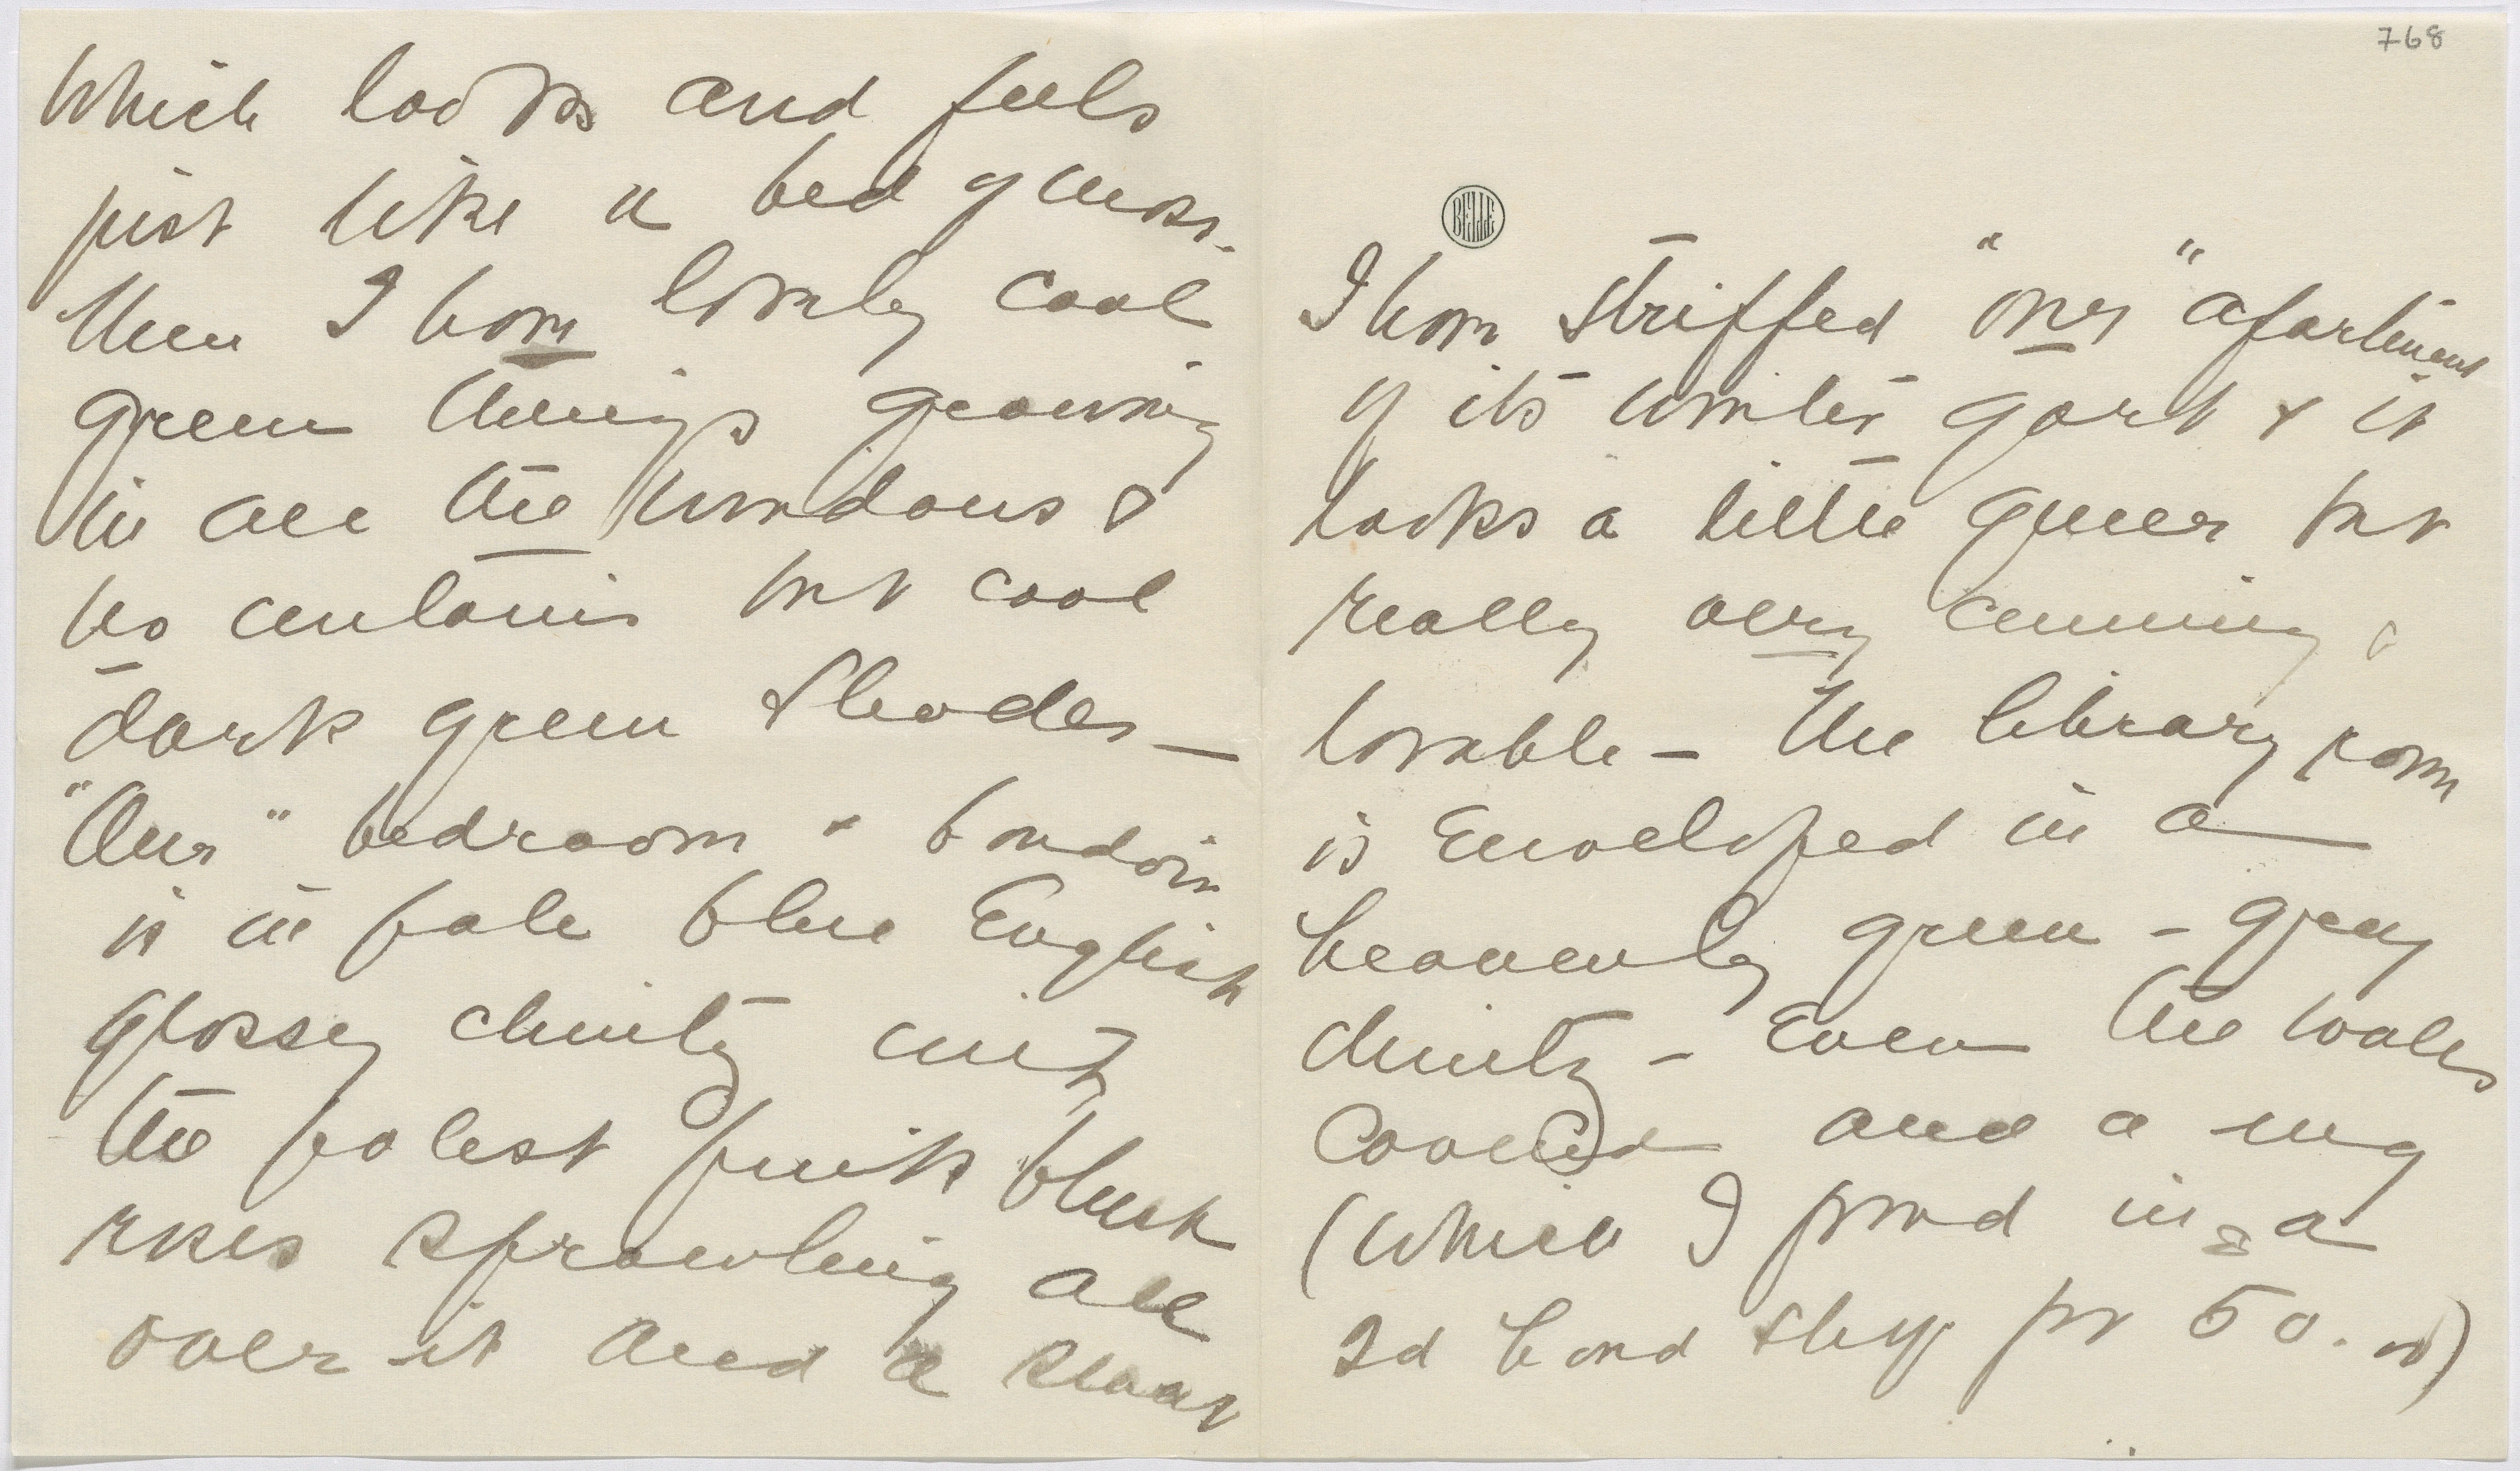I have stripped “our” apartment of its winter garb & it looks a little queer but really very cunning & lovable – The library room is enveloped in a heavenly green-gray chintz – even the walls covered and a rug (which I found in a 2d hand shop for 50.00)
which looks and feels just like a bed of moss. Then I have lovely cool green things growing in all the windows & no curtains but cool dark green shades – “Our” bedroom & boudoir is in pale blue English glossy chintz with the palest pink blush roses sprawling all over it and a sheer